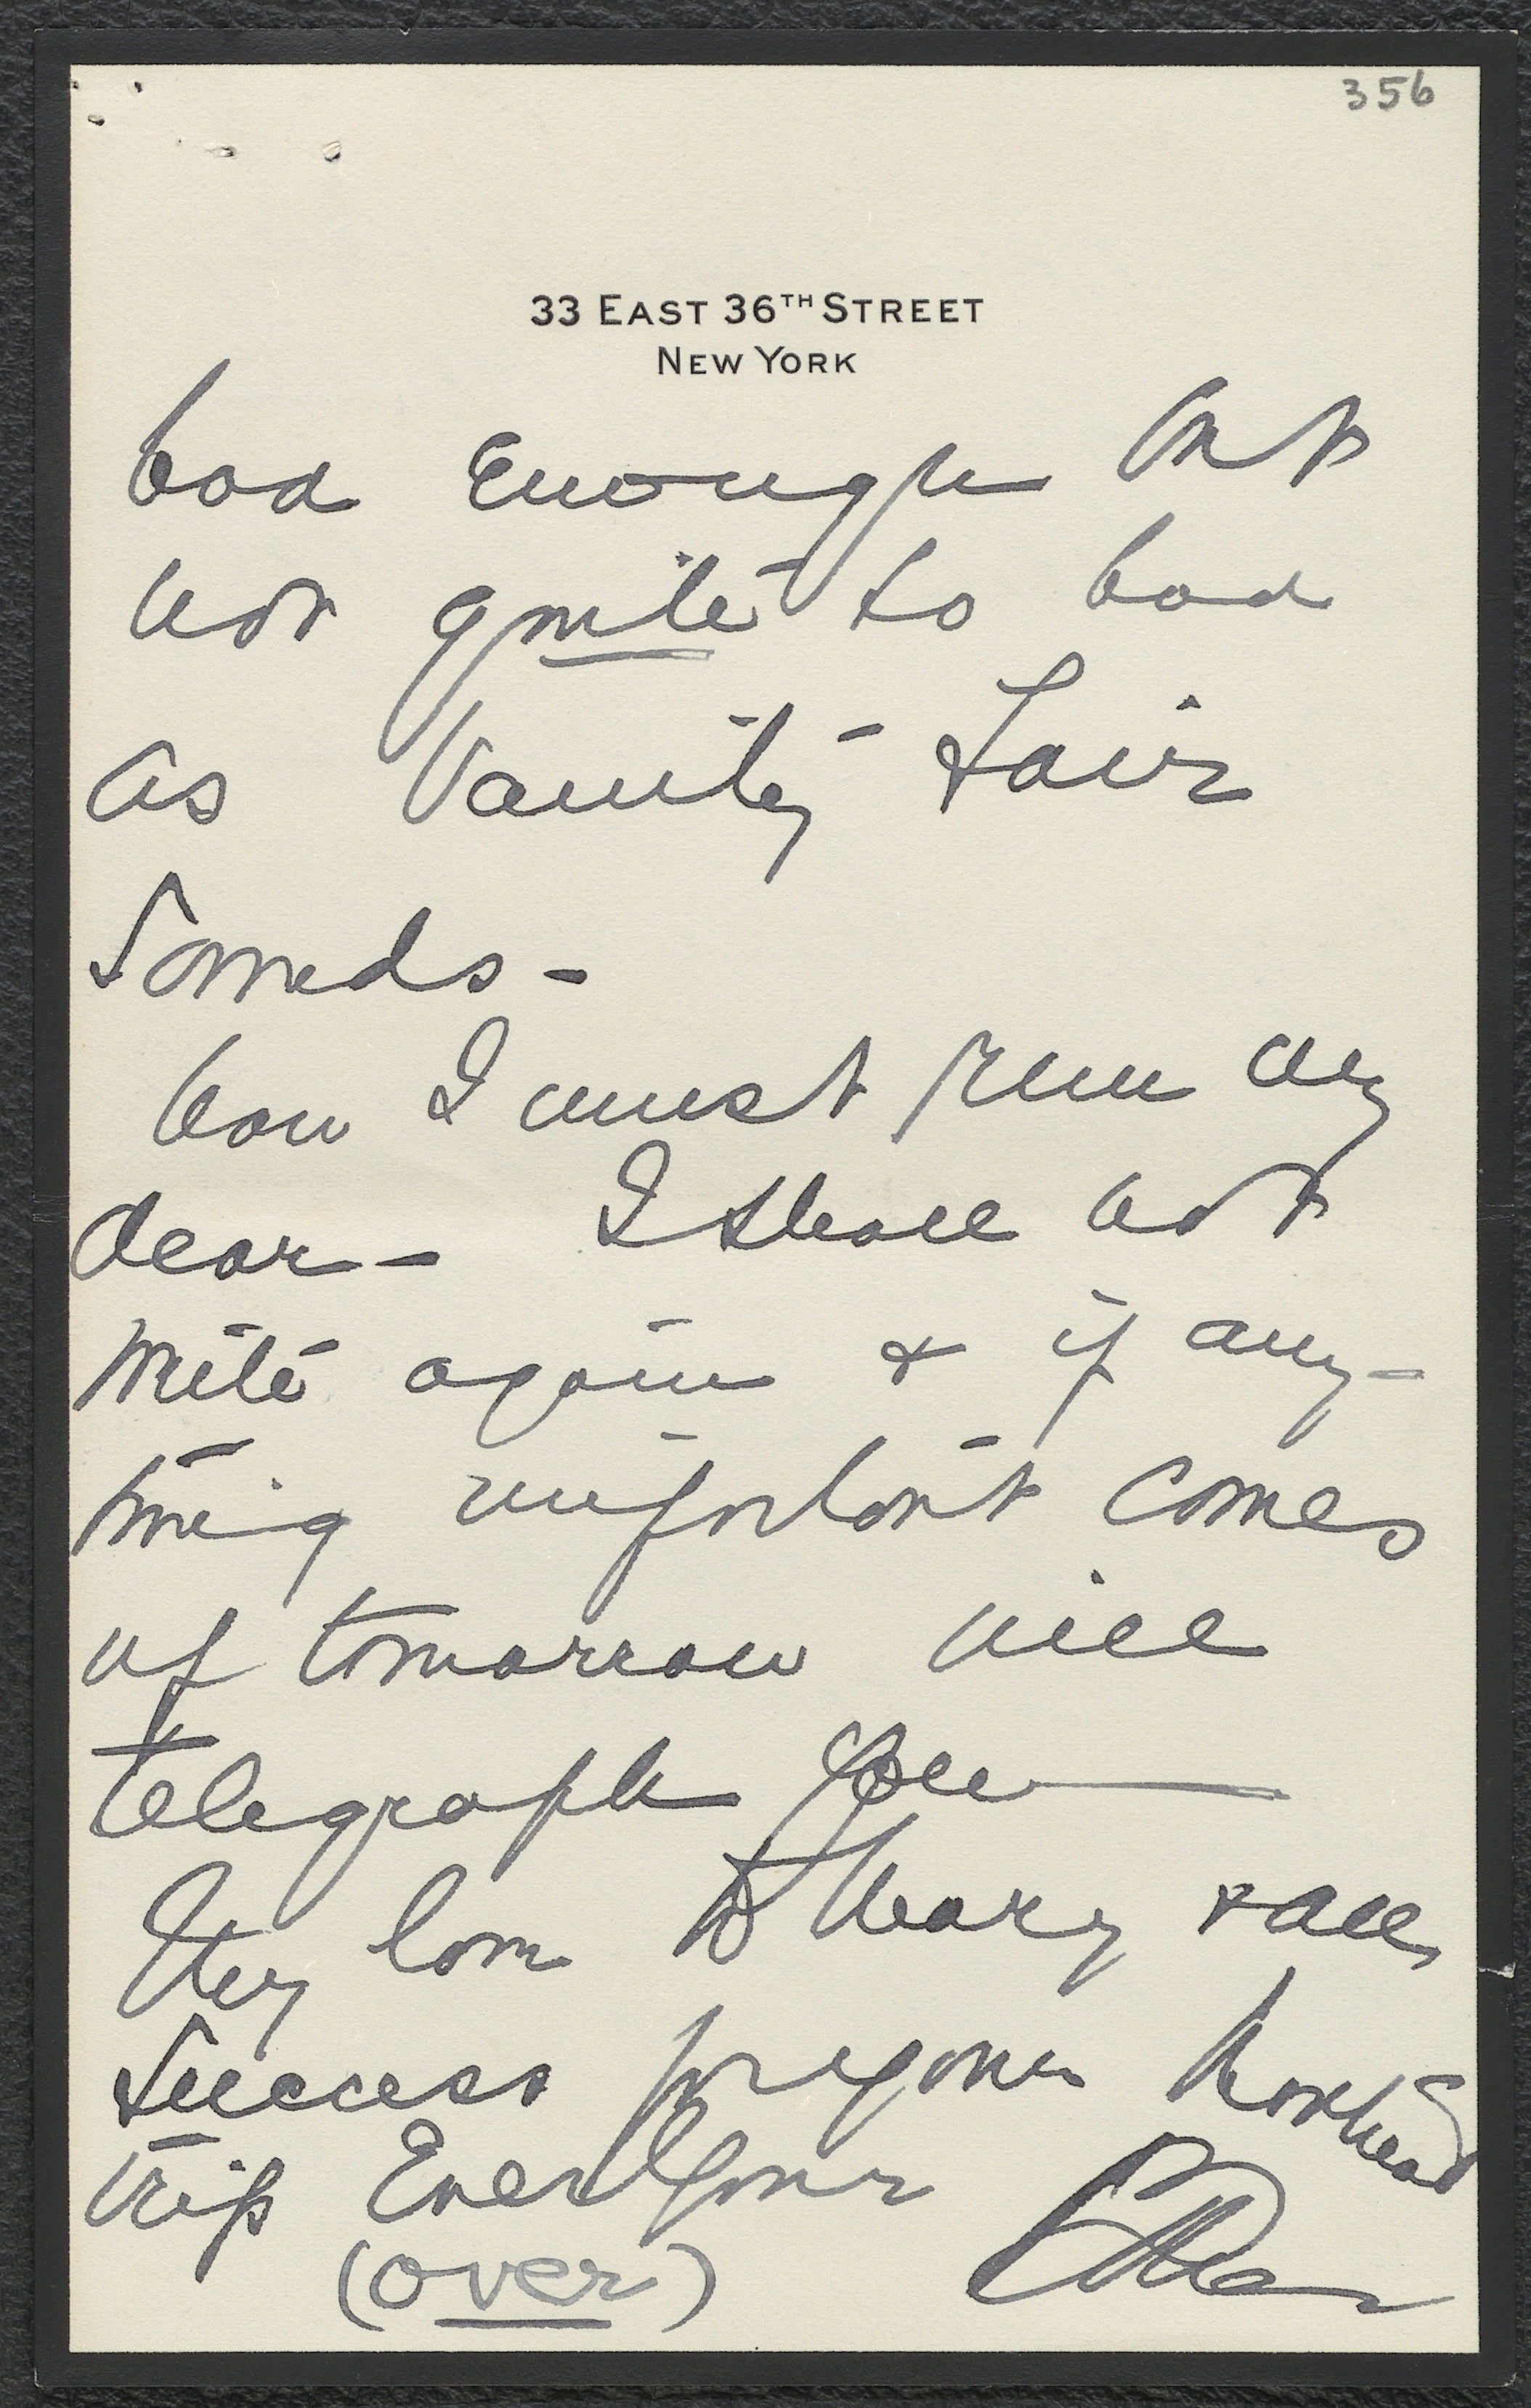bad enough but not quite so bad as Vanity –fair sounds –
Now I must run my dear – I shall not write again & if anything important comes of tomorrow will telegraph you –
My love to Mary & all, success for your Montreal trip Ever Your Belle
(over)